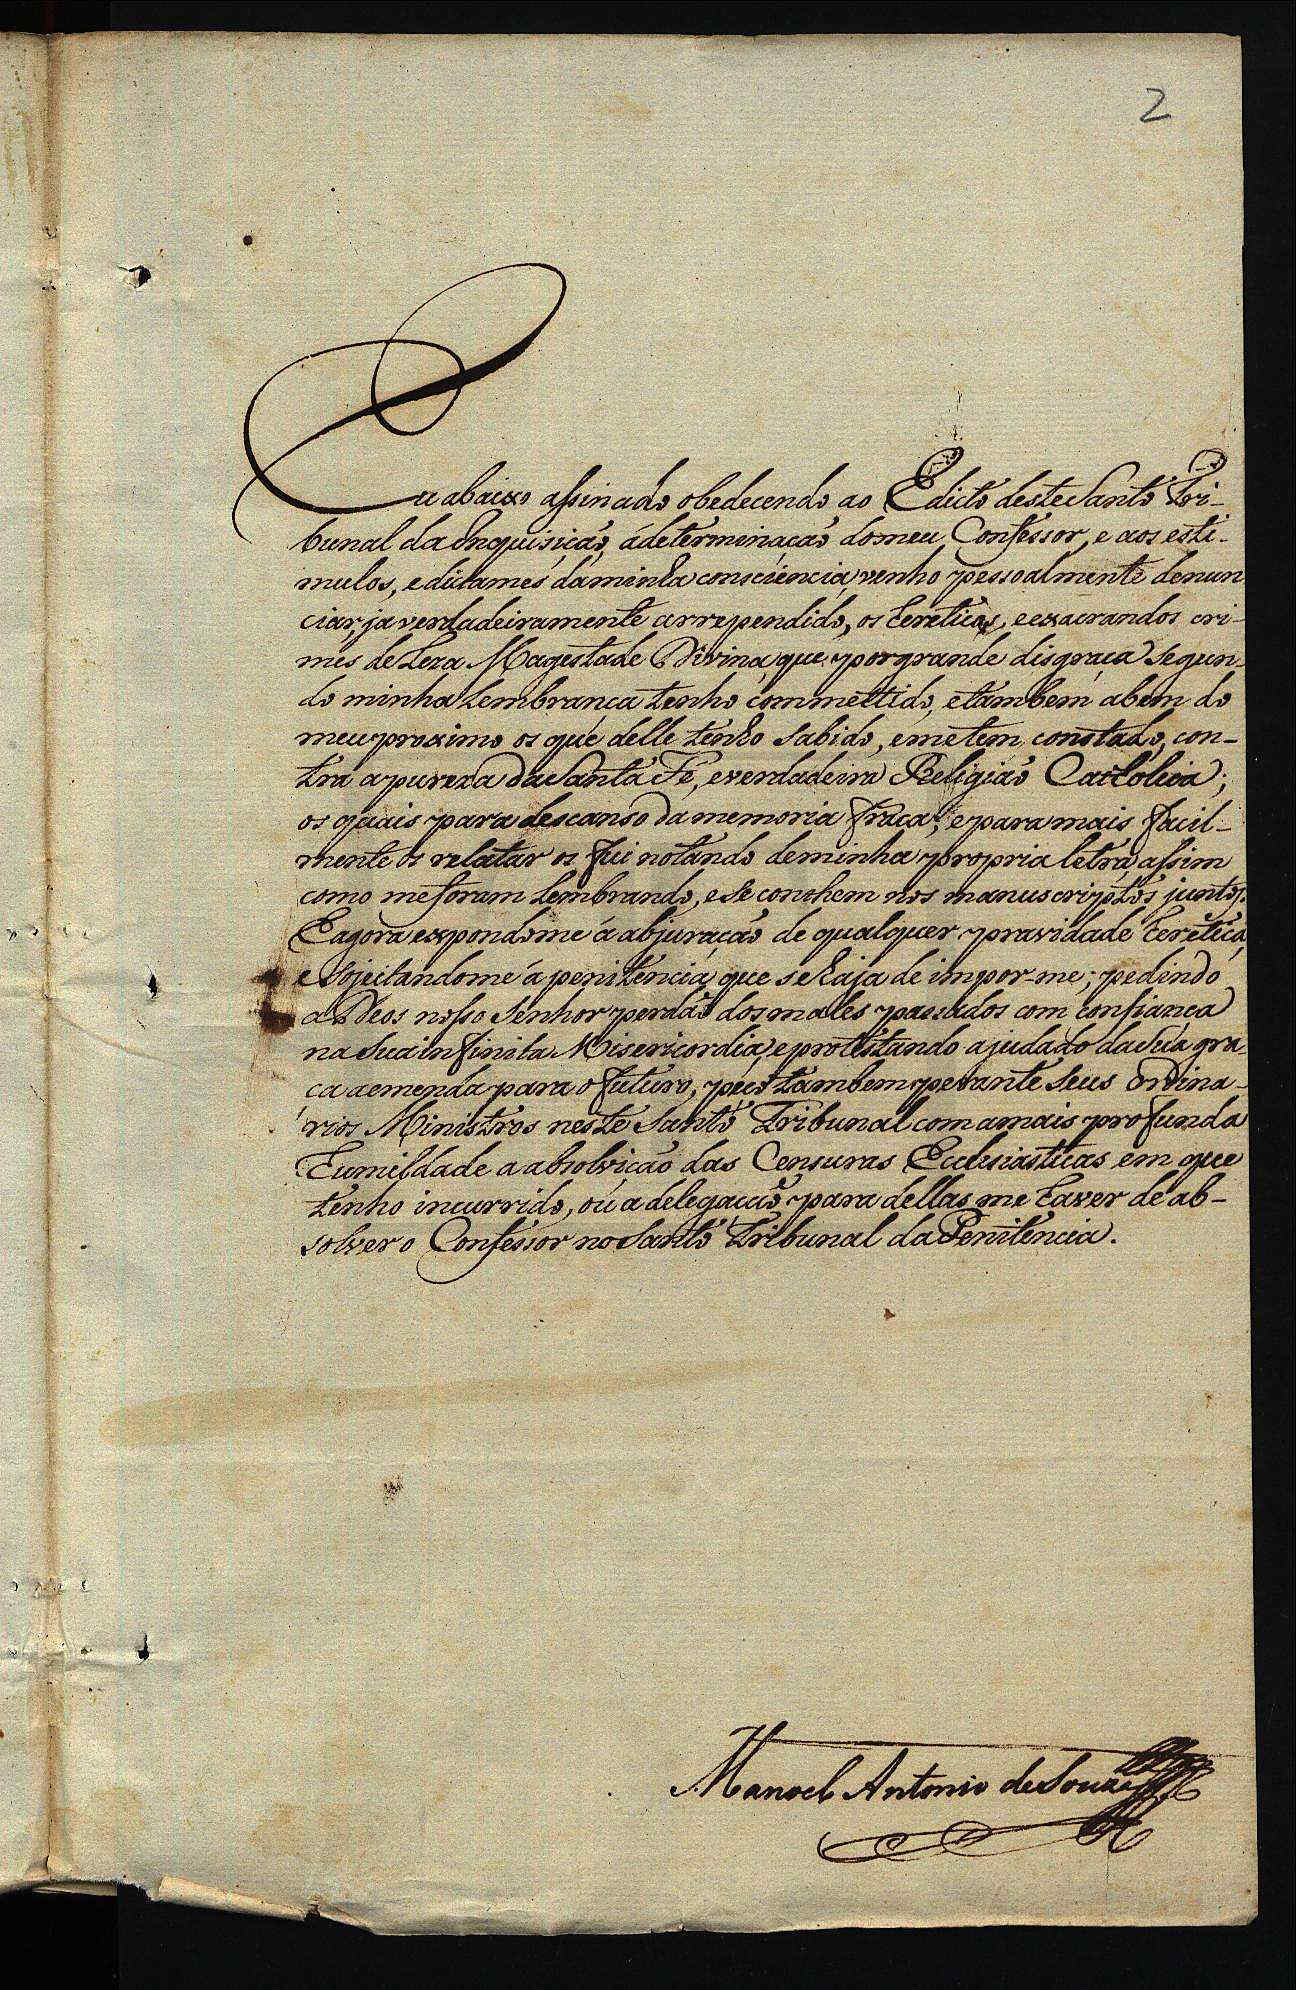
Eu abaixo assinado obedecendo ao Edicto deste Santo Tri
bunal da Inquisiçaõ, á determinaçaõ do meu Confessor, e aos esti
mulos, e dictames da minha consciencia, venho pessoalmente denun
ciar, ja verdadeiramente arrependido, os hereticos, e exacrandos cri
mes de Leza Magestade Divina, que por grande disgraça segun
do minha lembrança tenho commettido, e tambem a bem do
meu proximo os que delle tenho sabido, e me tem constado, con
tra a pureza da Santa Fé, e verdadeira Religiaõ Catholica;
os quais para descanso da memoria fraca; e para mais facil
mente os relatar os fui notando de minha propria letra, assim
como me foram Lembrando, e se conthem nos manuscriptos juntos.
E agora expondome á abjuraçaõ de qualquer pravidade heretica,
e Sojeitandome á penitencia, que se haja de impor me; pedindo
a Deos nosso Senhor perdaõ dos males passados com confiança
na Sua infinita Misericordia, e protestando ajudado da Sua gra
ça a emenda para o futuro, peço tambem perante seus ordina
rios Ministros neste Santo Tribunal com a mais profunda
humildade a absolviçaõ das Censuras Ecclesiasticas em que
tenho incurrido, ou a delegaçaõ para dellas me haver de ab
solver o Confessor no Santo Tribunal da Penitencia.
Manoel Antonio de Souza
